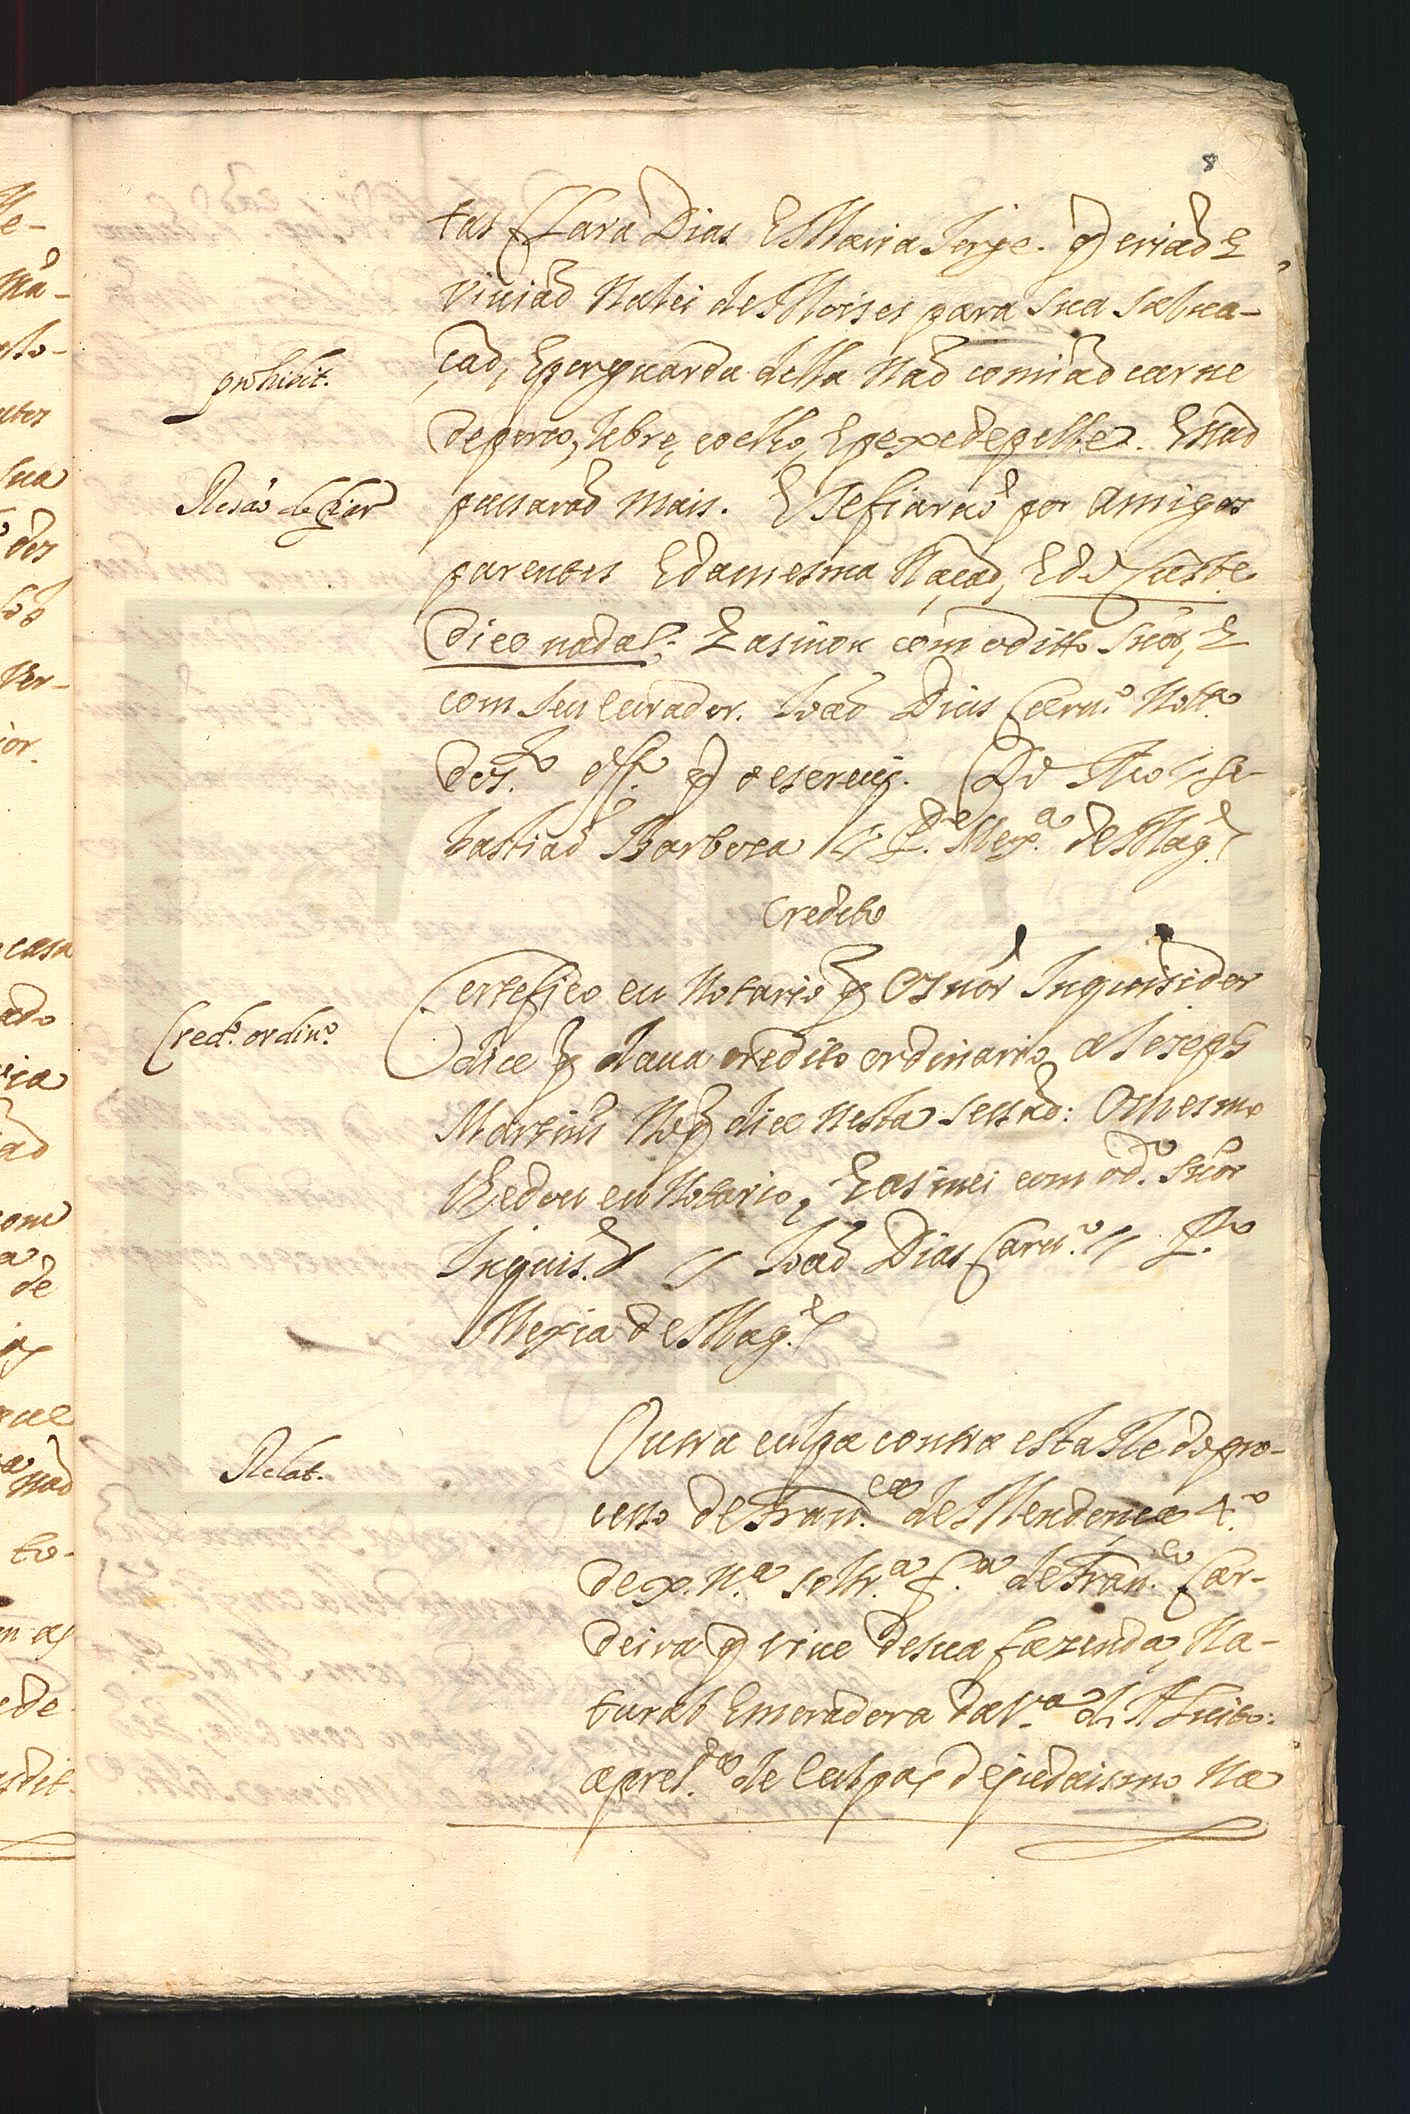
tas Clara Dias E Maria Iorge. q̄ criaõ E
viuiaõ na lei de Moises para sua salua
ção, E per guarda della naõ comião carne
prohibit.
de porco, lebre, coelho, E pexe de pelle. E não
Resaõ de fiar
passarão mais. E se fiaraõ por amigos
parentes E da mesma Naçaõ, E do Cust.e
dice nada C; E assinou com o ditto Sn̄or E
com seu curador, Ioaõ Dias Carv.o Not.ro
do s.to off.o q̄ o escreuj. Do Reo // se
bastiaõ Barboza // P.o Mex.a de Mag.es
Credito
Certefico eu Notario q̄ o Snõr Inquisidor
Cred.o ordin.o
dice q̄ daua credito ordinario a Iozeph
Martin̄s No q̄ dice nesta sessão: O mesmo
lhe dou eu Notario, E asinei com o d.o Sn̄or
Inquis.or // Ioão Dias Caru.o // P.o
Mexia de Mag.es
Outra culpa contra esta Re do pro
Relat.
cesso de Francisca de Mendonça 4.o
de x. n.a soltr.a f.a de Fran.co Cor
deira q̄ viue de sua fazenda, Na
tural e moradora da V.a de Aluito:
apres.dos de Culpas de judaismo Na
